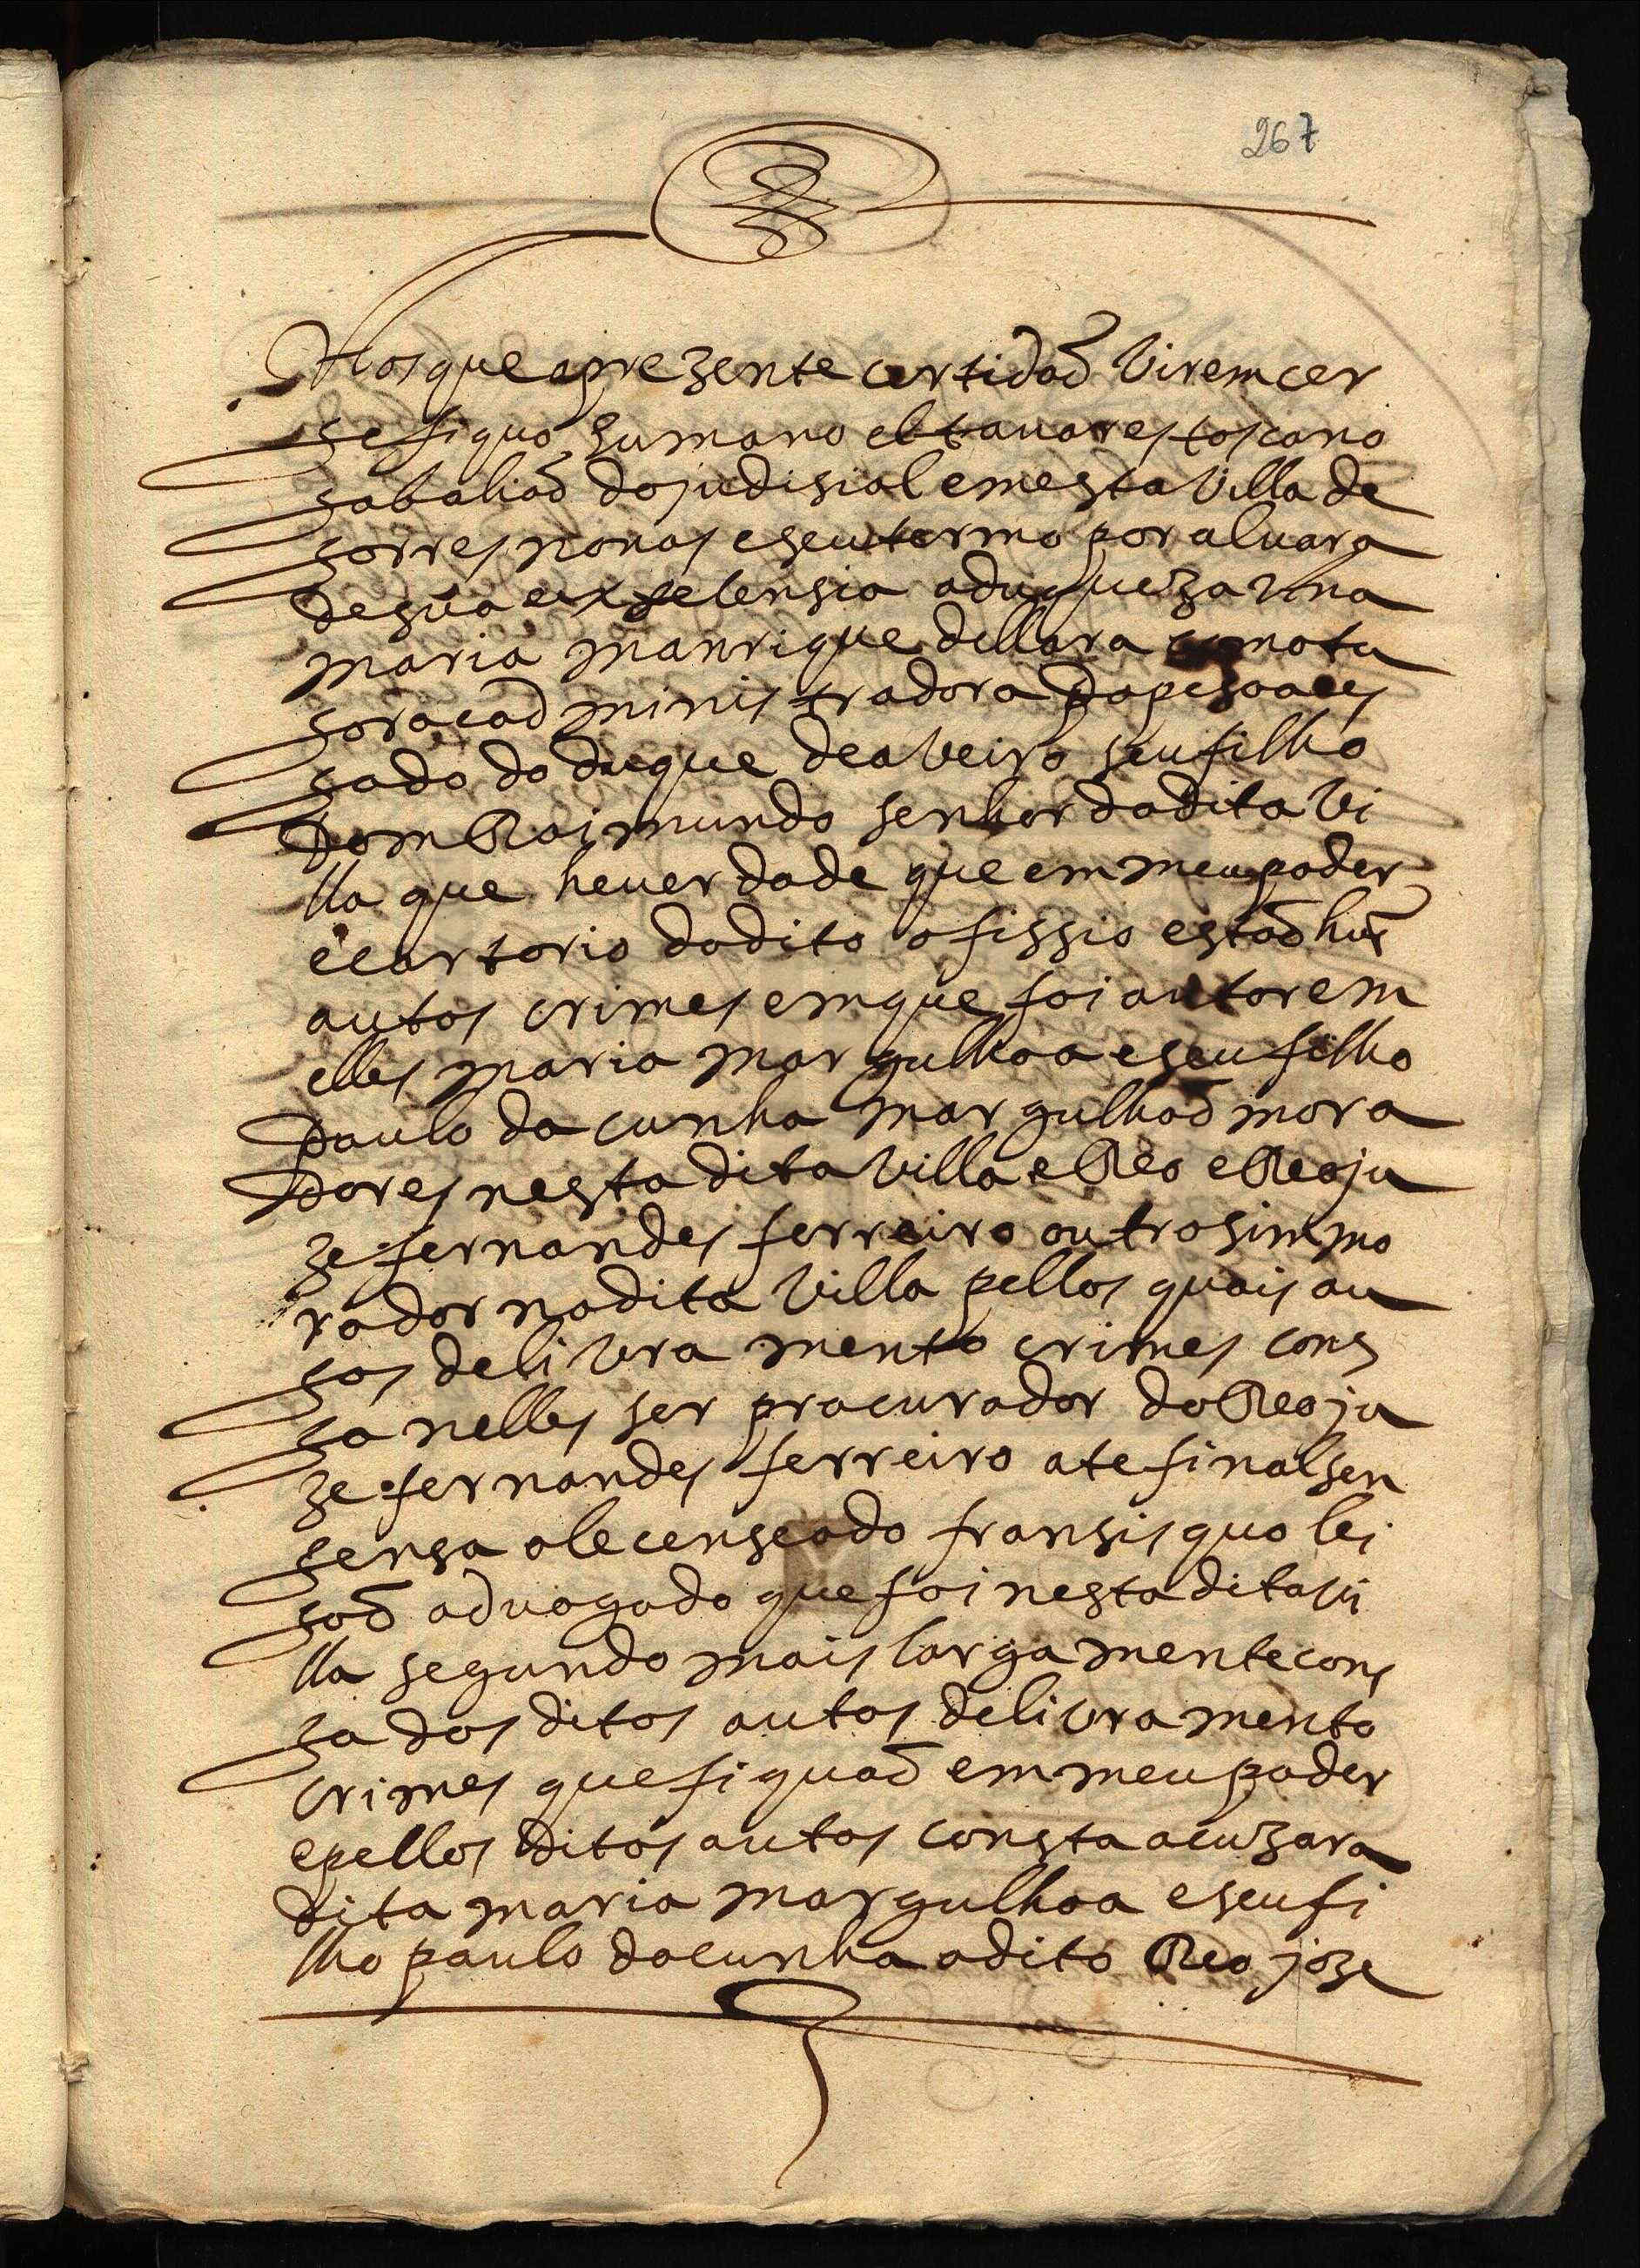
Aos que a prezente certidaõ virem cer
tefiquo Eu manoel tauares toscano
tabaliaõ do judisial em esta villa de
torres nouas e seu termo por aluara
de sua e exselensia a duqueza Ana
maria manrique de llara como tu
tora e administradora da pesoa e es
tado do duque de aveiro seu filho
Dom Raimundo senhor da dita vi
lla que he uerdade que em meu poder
e cartorio do dito ofissio estão hūs
autos crimes em que foi autor em
elles maria margulhoa e seu filho
Paulo da cunha margulhaõ mora
dores nesta dita villa e Reo e Reo ju
ze fernandes ferreiro outrosim mo
rador na dita villa pellos quais au
tos de livramento crimes cons
ta nelles ser procurador do Reo ju
ze fernandes ferreiro ate final sen
tensa o lecenseado fransisquo lei
taõ aduogado que foi nesta dita vi
lla segundo mais largamente cons
ta dos ditos autos de liuramento
crimes que fiquaõ em meu poder
e pellos ditos autos consta acuzar a
dita maria margulhoa e seu fi
lho paulo da cunha o dito Reo joze
